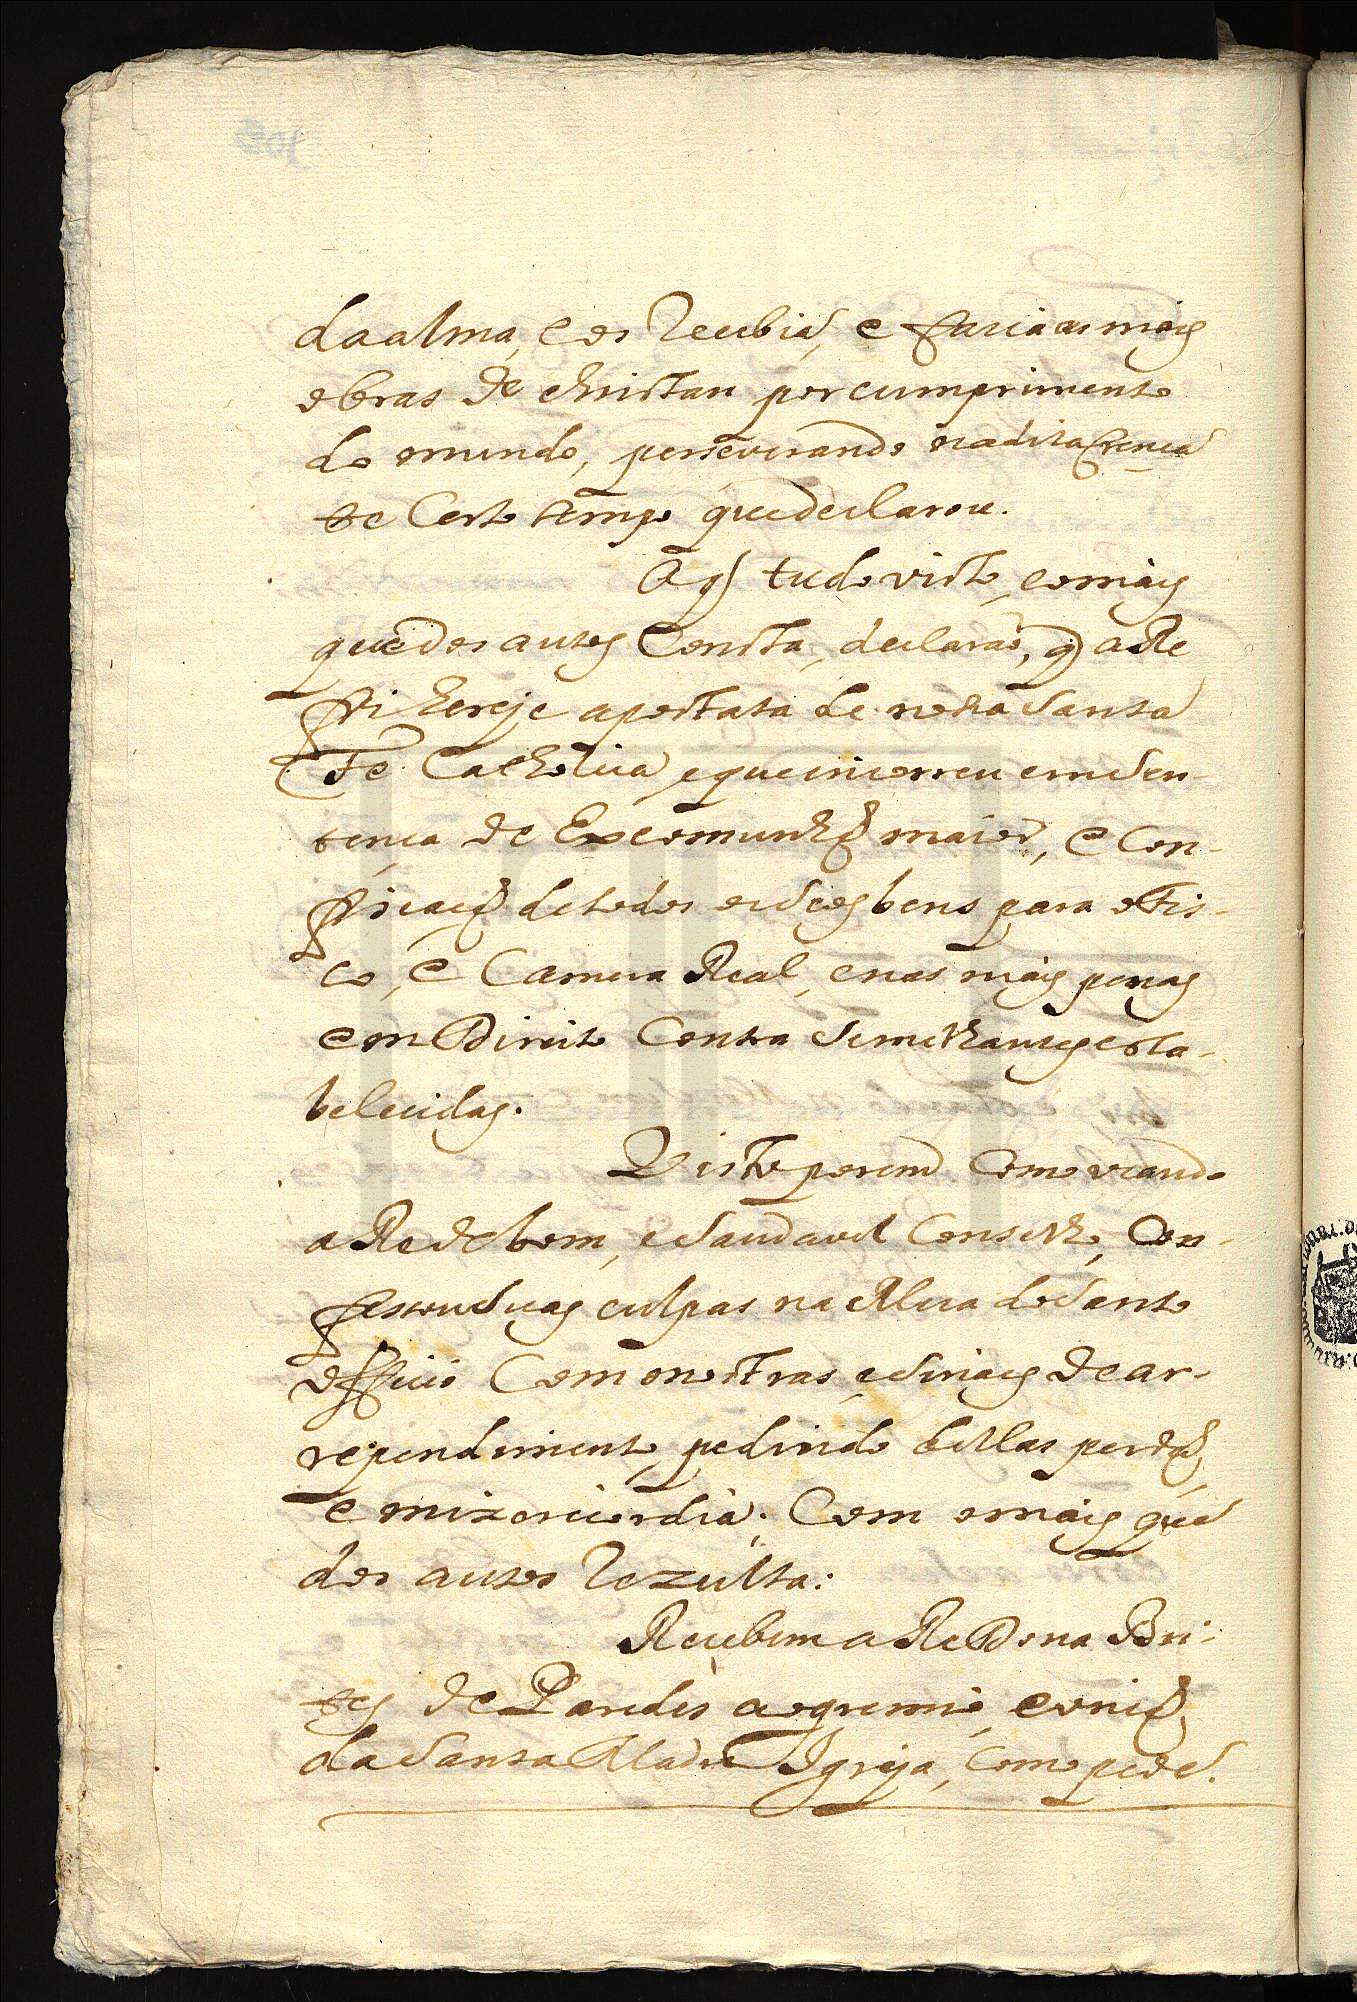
da alma, e os Recebia, e fazia as mais
obras de christan por cumprimento
do mundo, perseverando na dita Crença
te Certo tempo que declarou.
O q̄ tudo visto, e o mais
que dos autos Consta, declaraõ, q̄ a Re
foi hereje apostata de nossa Santa
Fe Catholica, e que incorreu em Sen
tença de Excomunhaõ maior, e con
fiscaçaõ de todos os Seos bens para o Fis
co, e Camera Real, e nas mais penas
em Direito Contra Semelhantes esta
belecidas.
Visto porem Como vzando
a Re de bom, e Saudavel Conselho, Con
fessou Suas culpas na Meza do Santo
Officio Com mostras e sinaes de ar
rependimento, pedindo dellas perdaõ
e mizericordia; Com o mais que
dos autos Rezulta:
Reçebem a Re Dona Bri
tes de Paredes ao gremio, e vniaõ
da Santa Madre Igreja, como pede.
